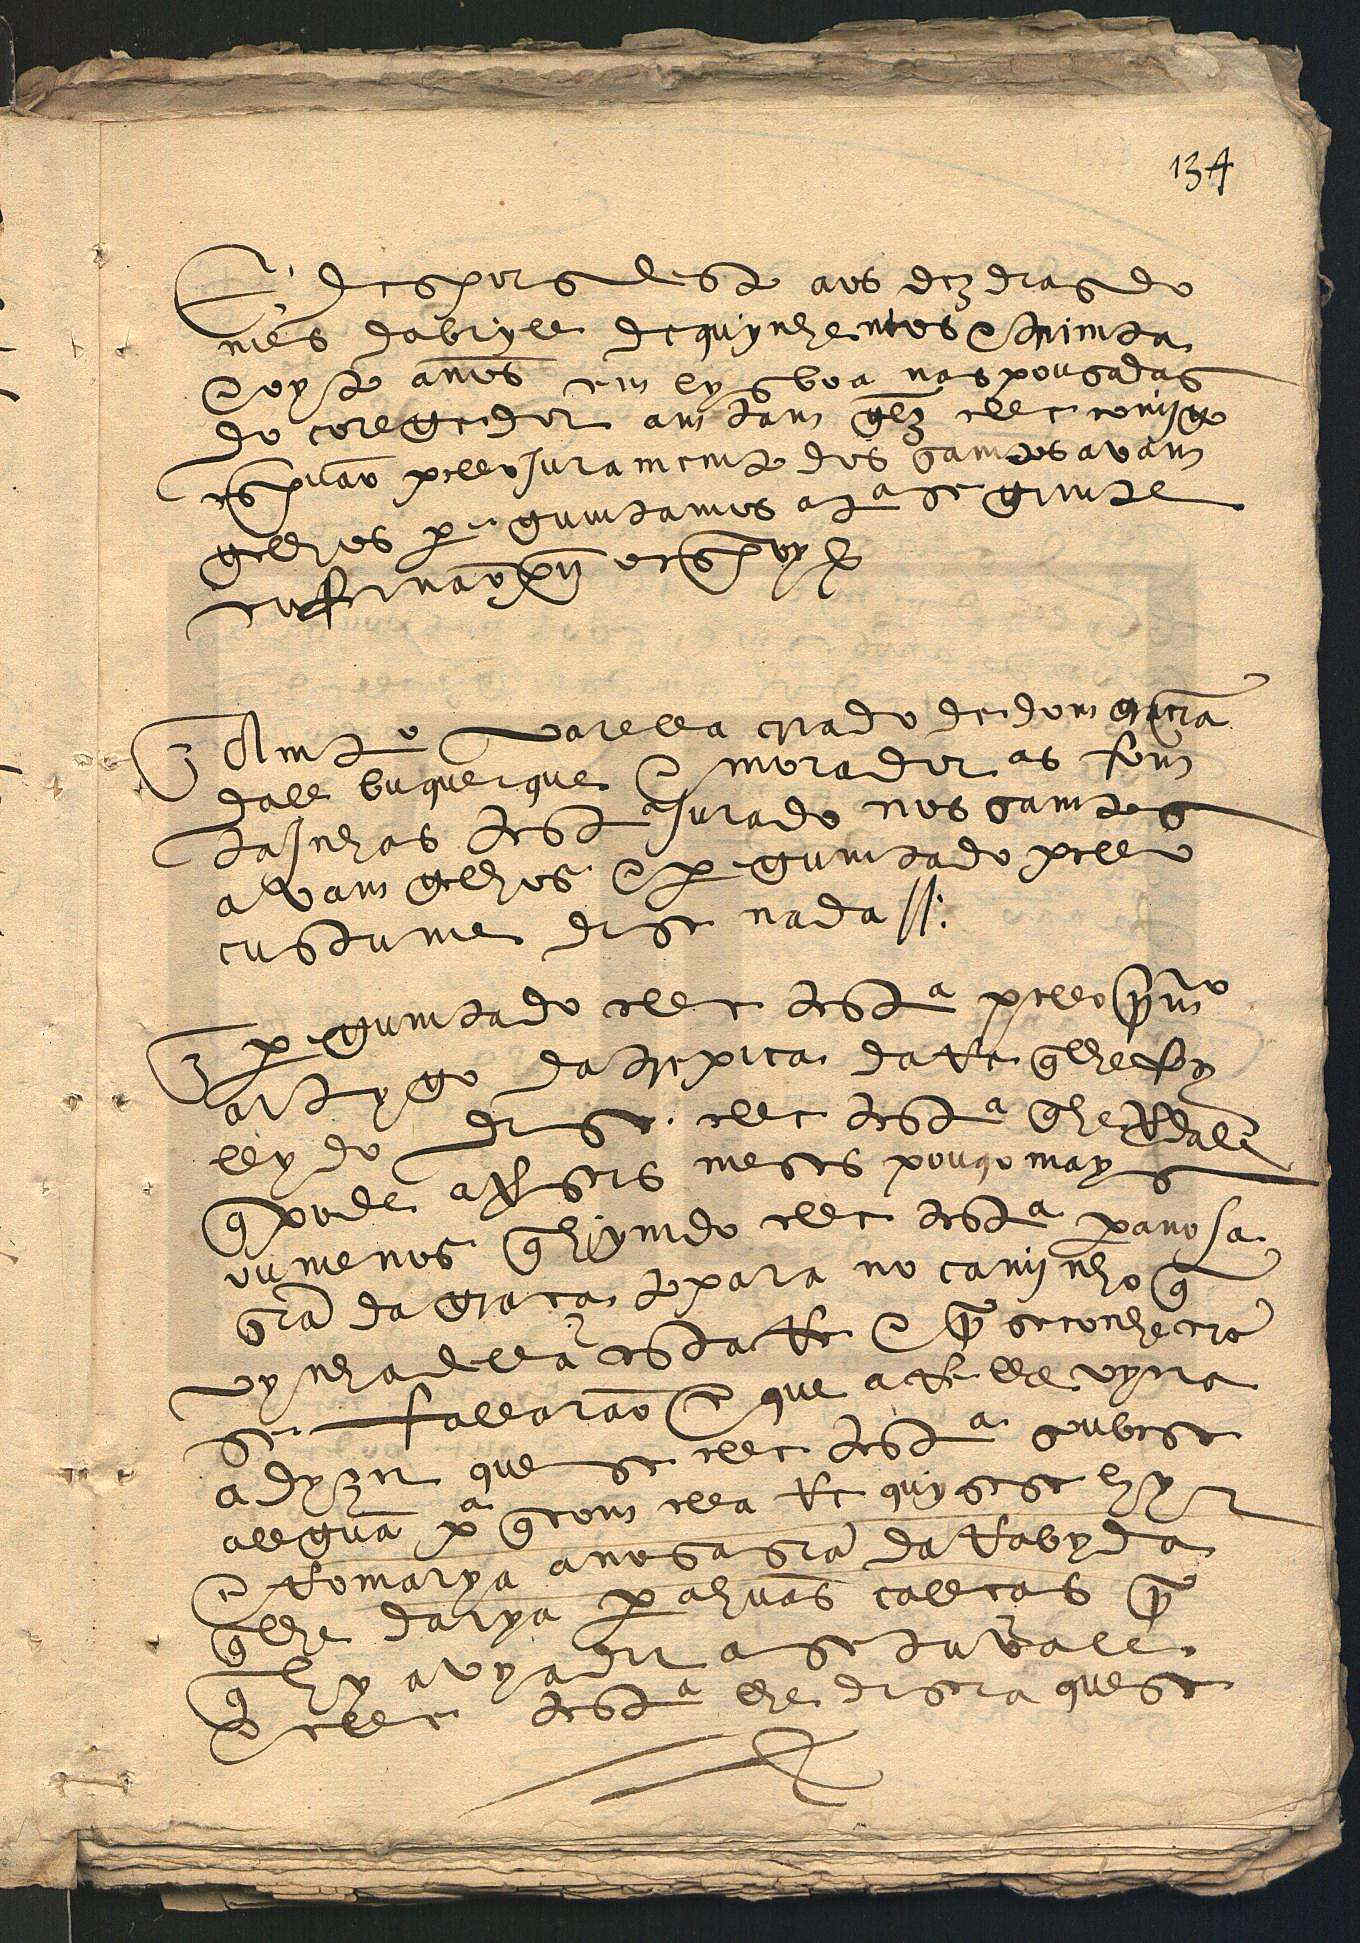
134
E despois desto aos dez dias do
mes dabryll de quynhentos e trrimta
e oyto an̄os em lysboa nas pousadas
do coregedor amtam ḡlz elle comjgo
esp̄uão pello Juramemto dos samtos avam
gelhos ꝑergumtamos a ta segimte
eu fernão p̄iz o esp̄vy
item Amto varella criado de dom graçia
dallbuquerque e morador as fom
taJnhas testa Jurado nos samtos
avamgelhos e ꝑegumtado pello
custume dise nada //:
item ꝑegumtado elle testa pello p̄mro
artygo da trepica da Re q̄ lhe foy
llydo dise elle testa q̄ he ꝟdade
q̄ pode aꝟ seis meses pouqo mays
ou menos q̄ hymdo elle testa ꝑa nosa
srā da graça topara no camjnho q̄
vynha della esta Re e p̄o se conhecerē
se fallarão ē q̄ a Re lhe vyera
a dyzer que se elle testa soubese
allguā pa q̄ com ella Re quysese hyr
ē Romarya a nosa srā daRabyda
q̄ lhe darya ꝑa huās callças p̄o
q̄ hy avya dir a setuvall
e elle testa lhe disera que se
